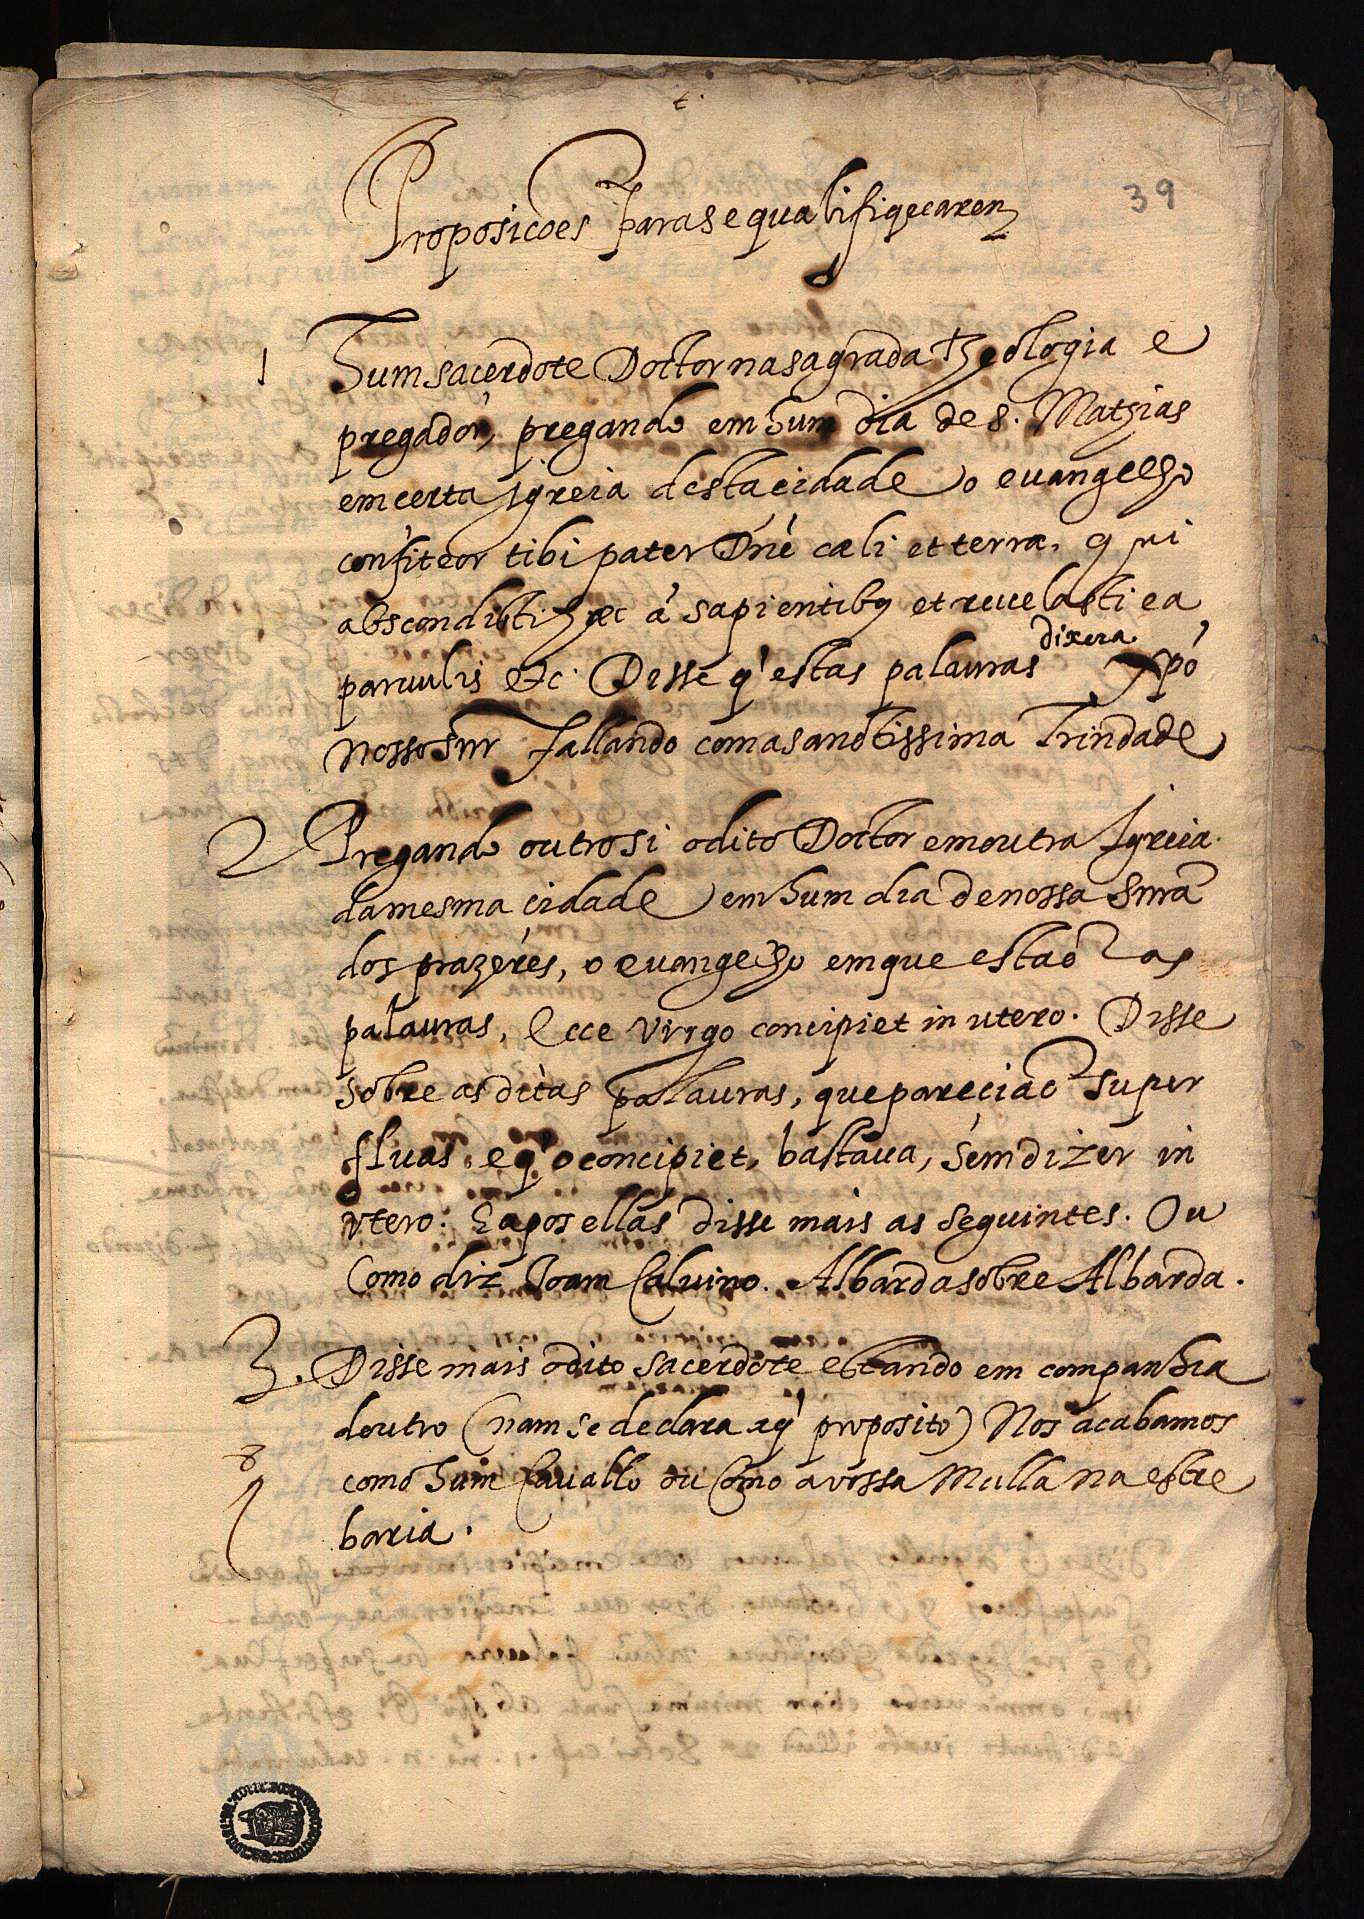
Proposições para se qualifiquarem
1
hum sacerdote Doctor na sagrada Theologia e
pregador, pregando em hum dia de s. Mathias
em certa igreia desta cidade o euangelho
confiteor tibi pater Dnē cæli et terra, qui
abscondisti hæc á sapientibꝯ et reuelasti ea
paruulis &c Disse q̄ estas palauras dixera Xpō
nosso s̄nr fallando com a sanctissima Trindade
2
Pregando outrosi o dito Doctor em outra Igreia
da mesma cidade em hum dia de nossa Snrā
dos prazeres, o euangelho em que estaõ as
palauras, Ecce virgo concipiet in utero. Disse
sobre as ditas palauras, que pareciaõ super
fluas e q̄ o concipiet, bastaua, sem dizer in
vtero. E apos ellas disse mais as seguintes. Ou
Como diz Ioam Caluino. Albarda sobre Albarda.
3.
Disse mais o dito sacerdote estando em companhia
doutro (nam se declara a q̄ proposito) Nos acabamos
8
como hum Cauallo ou Como a vossa Mulla na estre
baria
